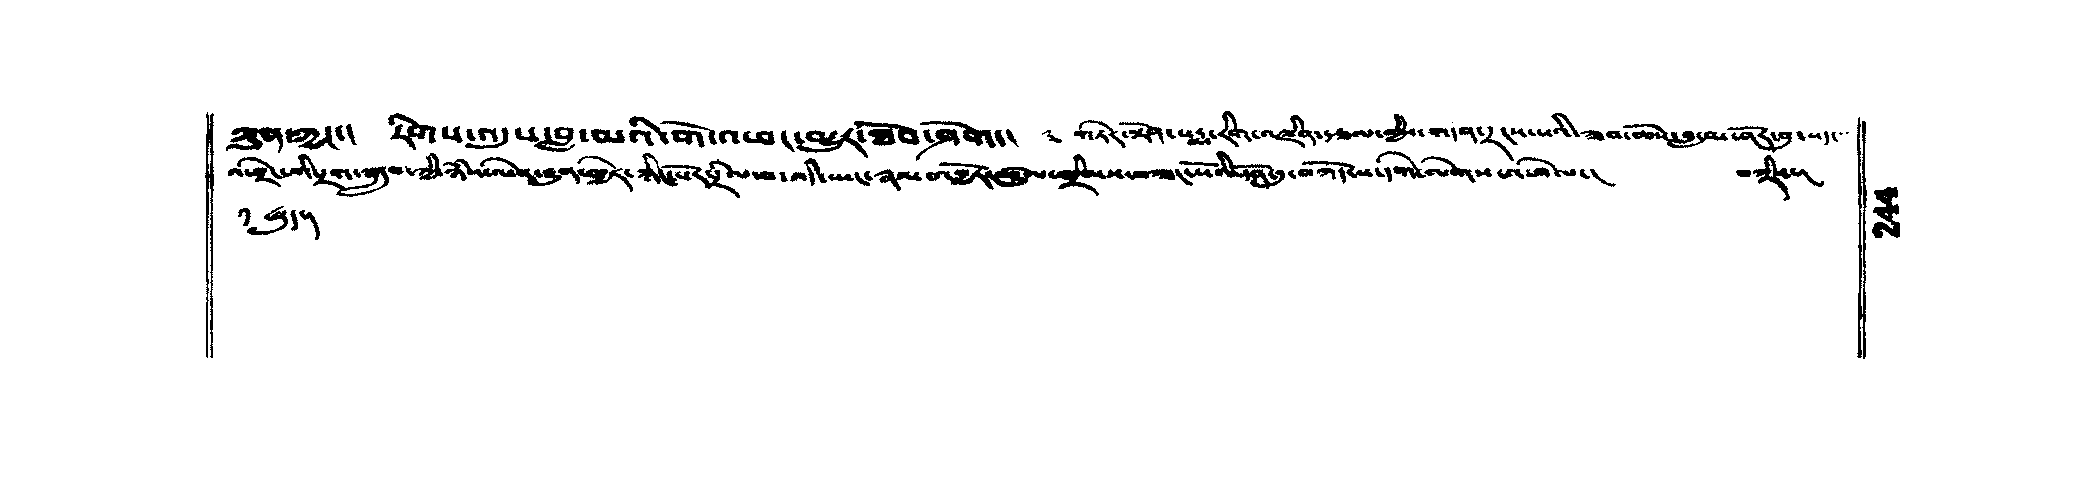ཀུན་ཀྱང་། །རིགས་འདུས་བླ་མའི་གོ་འཕང་མྱུར་ཐོབ་ཤོག་ ༈ གཏེར་སྟོན་པདྨ་རིག་འཛིན་རྩལ་གྱིས་གདན་དྲངས་པའི་ཟབ་ཆོས་བླ་མ་ནོར་བུ་པད་
འཕྲེང་གི་དྲག་སྒྲུབ་ཀྱི་ཉམས་ལེན་རྒྱུན་ཁྱེར་སྙིང་པོར་དྲིལ་བ་འདི་ཡང་རྣལ་འབྱོར་ཚུལ་ཁྲིམས་བཟང་པོའི་དོན་དུ་བཀོད་པ་དགེ་ལེགས་འཕེལ།